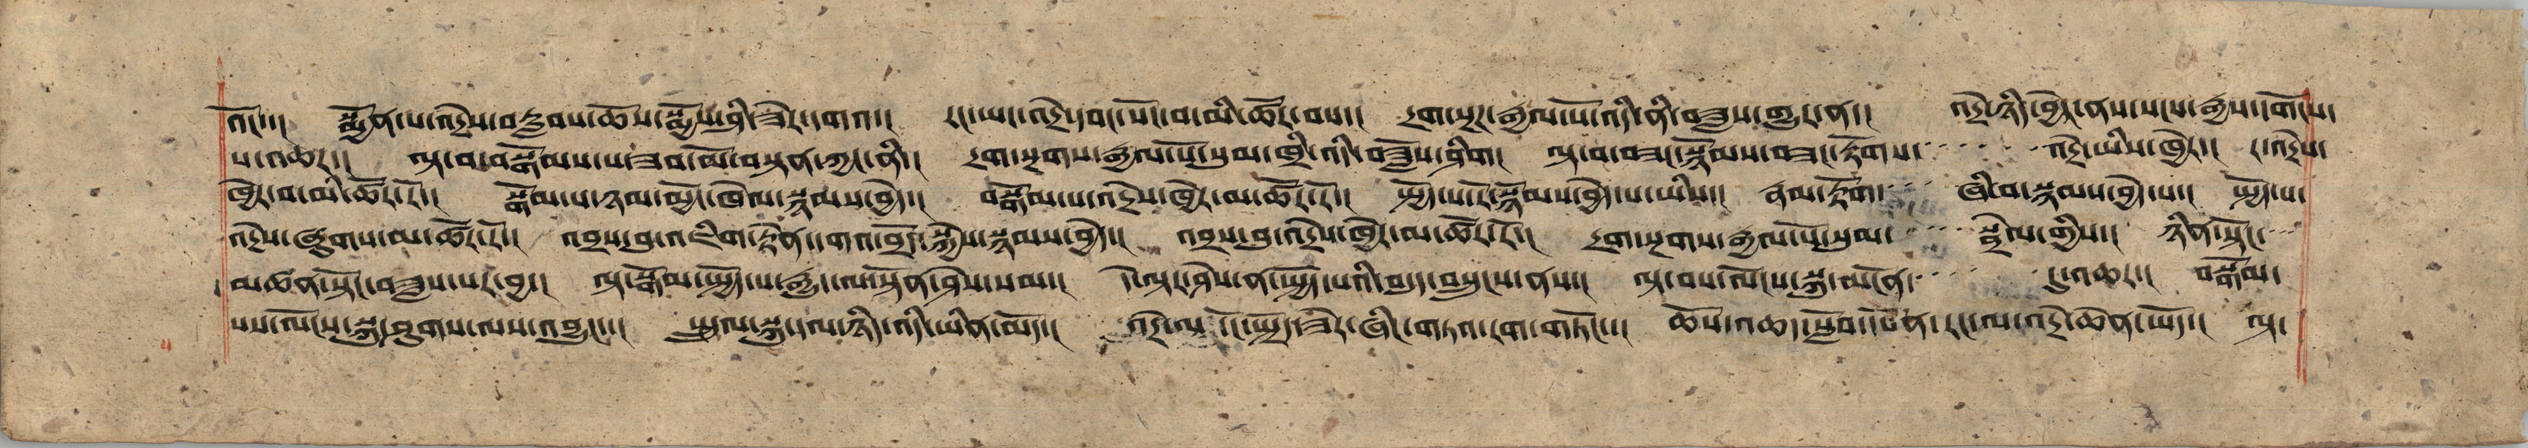འོང་་། སྨྱོན་པ་འདྲེས་བརླབས་ཆོས་སྨྱོས་ཤི་ཟེར་དགའ་། རང་ཡང་འདྲེ་དབང་སོང་བ་མི་ཚོར་བས་། དྲག་སྔཌ་རྒྱལ་པོ་འདི་ནི་བཟླས་གྱུར་ན་།་ འདྲེ་ཉིད་བྱེང་ནས་སངས་རྒྱས་དགོངས་
པ་འཚེར་། ལྟ་བ་བསྒོམས་པ་ཟབ་མོ་བསྟན་ཀྱང་ནི་། དྲག་སྔགས་རྒྱལ་པོ་སུམ་ཁྲི་འདི་བཟློས་ཤིག། ལྟ་བ་བཟང་སྙོམས་བཟང་རྟོགས་ འདྲེ་ཡིས་ཁྱེར་། ང་འདྲེས་
ཁྱེར་བ་མི་ཚོར་རོ་། སྒོམ་པ་ཉམ་མྱོང་ཁེལ་སྙམས་བྱེད་། བསྒོམ་པ་འདྲེས་ཁྱེར་མ་ཚོར་རོ་། སྤྱོད་པ་རོ་སྙོམས་བྱེད་པ་ཡིས་། རྣམ་རྟོག་ ཞི་བ་སྙམས་བྱེད་པ་། སྤྱོད་པ་
འདྲེས་ཞུགས་མ་ཚོར་རོ་། འབྲས་བུ་འཇིག་རྟེན་དགའ་བྲོད་སྐྱེས་སྙམས་བྱེད་། འབྲས་བུ་འདྲེས་ཁྱེར་མ་ཚོར་རོ་། དྲག་སྔགས་རྒྱལ་པོ་སུམ་སྦྲེལ་གྱིས་། ཉིན་སྟོང་
མཚན་སྟོང་བཟླས་པར་བྱ་། ལྟ་སྒོམ་སྤྱོད་པ་རྒྱུད་ལ་སྟོན་ཤེས་སམ་། དེ་ལྟར་ཤེས་ན་སྤྱོད་པའི་བདུད་བསྲུངས་ནས་། ལྟ་བས་ལོངས་སྐུ་མངོན་དུ་འཆར་། བསྒོམ་
པས་ལོངས་སྐུ་ཤུགས་ལས་འབྱུང་་། སྤྲུལ་སྐུ་དལ་ཉིད་འདི་ཡིན་མོད་། འདྲེ་ལ་ངོ་སྤྲོད་ཟེར་ཞིང་གཏའ་རག་གཏོང་་། ཆོས་འཆད་སློབ་དཔོན་རང་ལ་འདྲེ་ཆེན་ཡོད་། ལྟ་